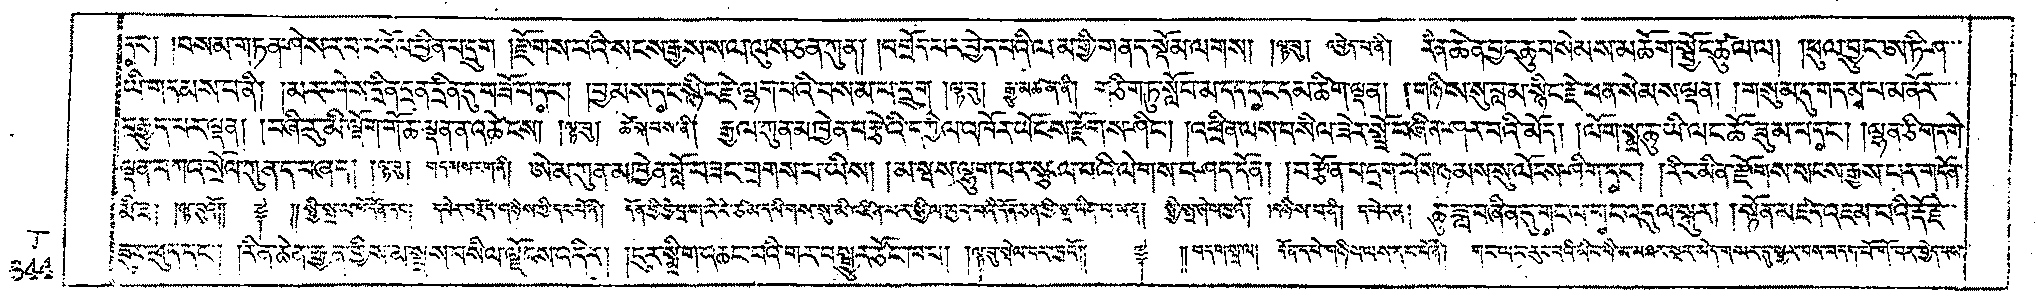དང྾། །བསམ་གཏན་ཤེས་རབ་ཕ་རོལ་ཕྱིན་པ་དྲུག །རྫོགས་པའི་སངས་རྒྱས་ས་ལ་ལུས་ཅན་ཀུན། །བགྲོད་པར་བྱེད་པའི་ལམ་གྱི་གནད་སྡོམ་ལགས། །ལྟ་བུ། འབྱེད་པ་ནི།  རིན་ཆེན་བྱང་ཆུབ་སེམས་མཆོག་སྦྱོང་ཚུལ་ལ། །ཕུལ་བྱུང་ཨ་ཏི་ཤ་་་
ཡི་གདམས་པ་ནི། །མར་ཤེས་དྲིན་དྲན་དྲིན་དུ་གཟོ་བ་དང྾། །བྱམས་དང྾་སྙིང་རྗེ་ལྷག་པའི་བསམ་པ་དྲུག་།ལྟ་བུ། རྒྱུ་མཚན་ནི།  གཅིག་ཏུ་སློབ་མ་དད་དང྾་དམ་ཚིག་ལྡན། །གཉིས་སུ་བླ་མ་སྙིང་རྗེ་ཕན་སེམས་ལྡན། །གསུམ་དུ་གདམས་པ་མ་ནོར་་་
བརྒྱུད་པར་ལྡན། །བཞི་རུ་མི་ལྡོག་གོ་ཆ་ལྡན་ན་འཚེངས། །ལྟ་བུ། ཚེ་སྐབས་ནི།  རྒྱལ་ཀུན་མཁྱེན་བརྩེའི་དཀྱིལ་འཁོར་ཡོངས་རྫོགས་ཤིང་། །འཕྲིན་ལས་བསིལ་ཟེར་སྤྲོ་བཞིན་ཤར་བའི་མོད། །ལོག་སྨྲ་ཆུ་ཡི་ལང་ཚོ་ཟུམ་པ་དང྾། །ལྷན་ཅིག་དགེ་
ལྡན་བཀའ་སྲོལ་ཀུན་ད་བཞད། །ལྟ་བུ། གདམས་ངག་ནི།  ཨེ་མ་ཀུན་མཁྱེན་བློ་བཟང་གྲགས་པ་ཡིས། །མ་སྦས་ལྷུག་པར་སྩལ་བའི་ལེགས་བཤད་དོན། །བརྩོན་པ་དྲག་པོས་ཉམས་སུ་ལོངས་ཤིག་དང྾། །རིང་མིན་རྫོགས་སངས་རྒྱས་པར་གདོན་
མི་ཟ། །ལྟ་བུའོ།། འ་།།སྤྱི་སྒྲ་ལ་གོ་དོན་དང་། དཔེར་བརྗོད་གཉིས་ཀྱི་དང་པོ་ནི། དོན་གྱི་བྱེ་བྲག་རེ་རེ་ཙམ་དམིགས་སུ་མི་འཛིན་པར་སྤྱི་ལ་ཁྱབ་པའི་དོན་ཅན་གྱི་སྒྲ་ཡིན་པས་ན། སྤྱི་སྒྲ་ཞེས་བྱའོ། །གཉིས་པ་ནི། དཔེར་ན།  ཆུ་ཟླ་བཞིན་དུ་གང྾་ལ་གང྾་འདུལ་སྐུར། །སྟོན་མཛད་འཇམ་པའི་རྡོ་རྗེ་་་
ཟུར་ཕུད་དང་། །རིན་ཆེན་རྒྱན་གྱིས་མ་སྤྲས་བསིལ་ལྗོངས་འདིར། །ངུར་སྨྲིག་འཆང་བའི་གར་བསྒྱུར་ཙོང་ཁ་པ། །ལྟ་བུ་སྦེལ་བར་བྱའོ།། འ་།།བདག་སྒྲ་ལ། དོན་དཔེ་གཉིས་ལས་དང་པོ་ནི། གང་ཡང་རུང་བའི་མིང་གི་མ་མཐར་སྔར་མེད་གསར་དུ་སྦྱར་བས་བདག་པོ་གོ་བར་བྱེད་པས་